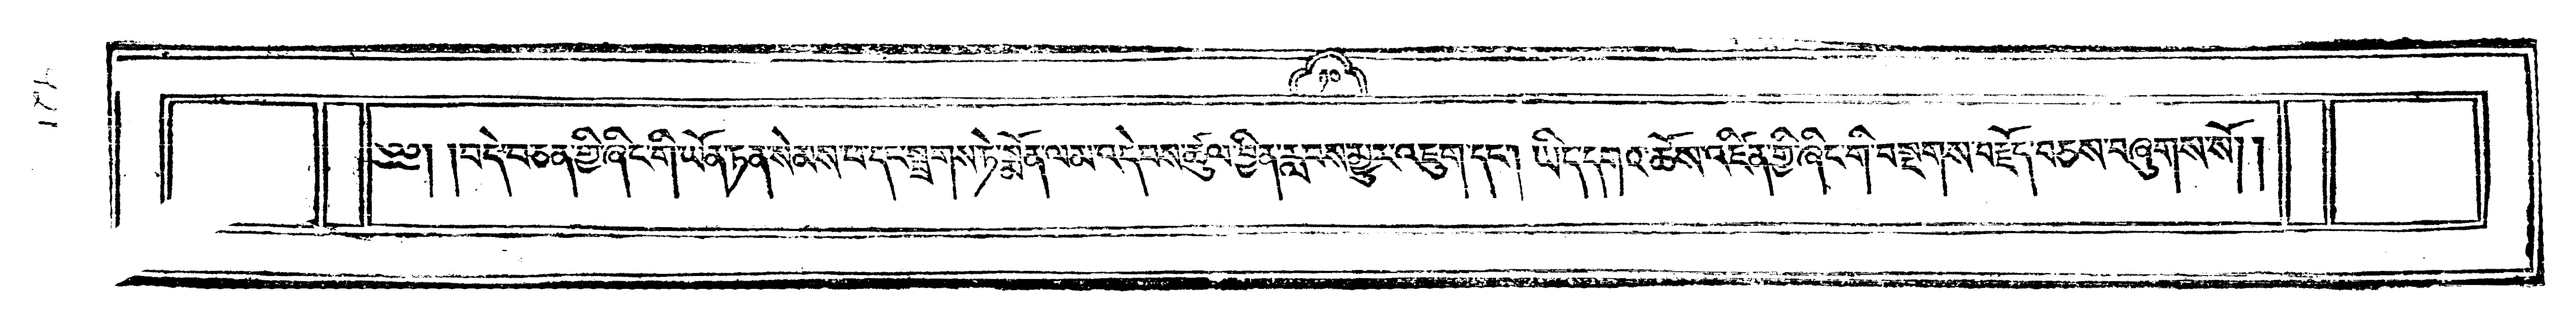༄༅། །བདེ་བ་ཅན་གྱི་ཞིང་གི་ཡོན་ཏན་སེམས་པ་དང་སྦྲགས་ཏེ་སྨོན་ལམ་འདེབས་ཚུལ་བྱིན་རླབས་མྱུར་འཇུག་དང་། ཡིད་དགའ་ཆོས་འཛིན་གྱི་ཞིང་གི་བསྔགས་བརྗོད་བཅས་བཞུགས་སོ།།